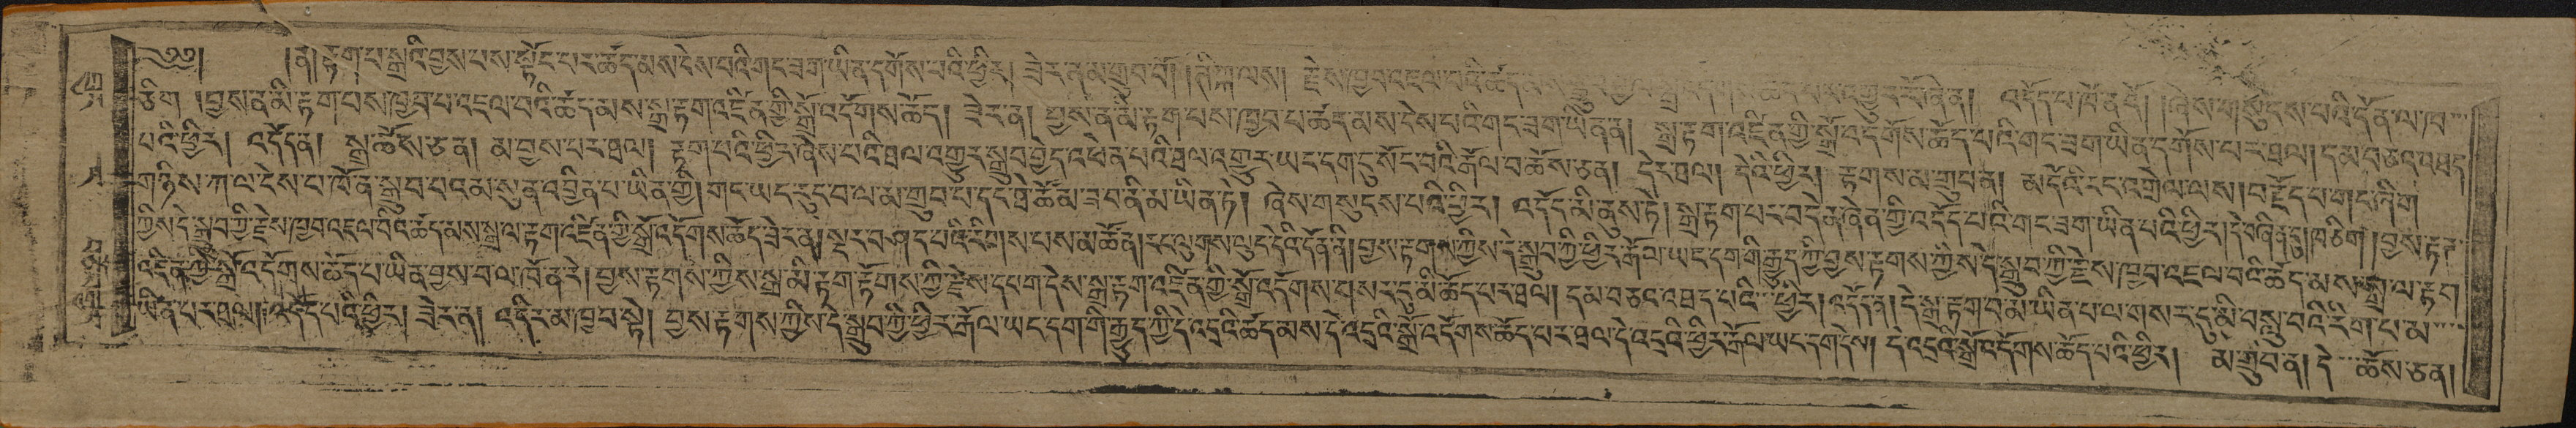༄༅། །ན། རྟག་པ་སྒྲའི་བྱས་པས་སྟོང་པར་ཚད་མས་ངེས་པའི་གང་ཟག་ཡིན་དགོས་པའི་ཕྱིར། ཟེར་ན་མ་གྲུབ་བོ། །ཊིཀྐ་ལས། རྗེས་ཁྱབ་འཇལ་བའི་ཚད་མས་སྒྲུབ་བྱ་ལ་སྒྲོ་འདོགས་ཆོད་པར་འགྱུར་རོ་ཞེ་ན། འདོད་པ་ཁོ་ནའོ། །ཞེས་གསུངས་པའི་དོན་ལ་ཁ་
ཅིག །བྱས་ན་མི་རྟག་པས་ཁྱབ་པ་འཇལ་བའི་ཚད་མས་སྒྲ་རྟག་འཛིན་གྱི་སྒྲོ་འདོགས་ཆོད། ཟེར་ན། བྱས་ན་མི་རྟག་པས་ཁྱབ་པ་ཚད་མས་ངེས་པའི་གང་ཟག་ཡིན་ན། སྒྲ་རྟག་འཛིན་གྱི་སྒྲོ་འདོགས་ཆོད་པའི་གང་ཟག་ཡིན་དགོས་པར་ཐལ། དམ་བཅའ་འཐད་
པའི་ཕྱིར། འདོད་ན། སྒྲ་ཆོས་ཅན། མ་བྱས་པར་ཐལ། རྟག་པའི་ཕྱིར་ཞེས་པའི་ཐལ་འགྱུར་སྒྲུབ་བྱེད་འཕེན་པའི་ཐལ་འགྱུར་ཡང་དག་དུ་སོང་བའི་རྒོལ་བ་ཆོས་ཅན། དེར་ཐལ། དེའི་ཕྱིར། རྟགས་མ་གྲུབ་ན། མདོའི་རང་འགྲེལ་ལས། བརྗོད་པ་གང་ཞིག་
གཉིས་ཀ་ལ་ངེས་པ་ཁོ་ན་སྒྲུབ་པའམ་སུན་འབྱིན་པ་ཡིན་གྱི། གང་ཡང་རུང་བ་ལ་མ་གྲུབ་པ་དང་ཐེ་ཚོམ་ཟ་བ་ནི་མ་ཡིན་ཏེ། ཞེས་གསུངས་པའི་ཕྱིར། འདོད་མི་ནུས་ཏེ། སྒྲ་རྟག་པར་བདེན་ཞེན་གྱི་འདོད་པའི་གང་ཟག་ཡིན་པའི་ཕྱིར། དེ་བཞིན་དུ། ཁ་ཅིག །བྱས་རྟགས་
ཀྱིས་དེ་སྒྲུབ་ཀྱི་རྗེས་ཁྱབ་འཇལ་བའི་ཚད་མས་སྒྲ་ལ་རྟག་འཛིན་གྱི་སྒྲོ་འདོགས་ཆོད་ཟེར་ན། སྔར་བཤད་པའི་རིགས་པས་མཚོན། རང་ལུགས་ལུང་དེའི་དོན་ནི། བྱས་རྟགས་ཀྱིས་དེ་སྒྲུབ་ཀྱི་ཕྱིར་རྒོལ་ཡང་དག་གི་རྒྱུད་ཀྱི་བྱས་རྟགས་ཀྱིས་དེ་སྒྲུབ་ཀྱི་རྗེས་ཁྱབ་འཇལ་བའི་ཚད་མས་སྒྲ་ལ་རྟག་
འཛིན་ཀྱི་སྒྲོ་འདོགས་ཆོད་པ་ཡིན་བྱས་པ་ལ་ཁོ་ན་རེ། བྱས་རྟགས་ཀྱིས་སྒྲ་མི་རྟག་རྟོགས་ཀྱི་རྗེས་དཔག་དེས་སྒྲ་རྟག་འཛིན་གྱི་སྒྲོ་འདོགས་གསར་དུ་མི་ཆོད་པར་ཐལ། དམ་བཅའ་འཐད་པའི་ཕྱིར། འདོད་ན། དེ་སྒྲ་རྟག་པ་མ་ཡིན་པ་ལ་གསར་དུ་མི་བསླུ་བའི་རིག་པ་མ་
ཡིན་པར་ཐལ། འདོད་པའི་ཕྱིར། ཟེར་ན། འདིར་མ་ཁྱབ་སྟེ། བྱས་རྟགས་ཀྱིས་དེ་སྒྲུབ་ཀྱི་ཕྱིར་རྒོལ་ཡང་དག་གི་རྒྱུད་ཀྱི་དེ་འདྲའི་ཚད་མས་དེ་འདྲའི་སྒྲོ་འདོགས་ཆོད་པར་ཐལ་དེ་འདྲའི་ཕྱིར་རྒོལ་ཡང་དག་དེས། དེ་འདྲའི་སྒྲོ་འདོགས་ཆོད་པའི་ཕྱིར། མ་གྲུབ་ན། དེ་ཆོས་ཅན།